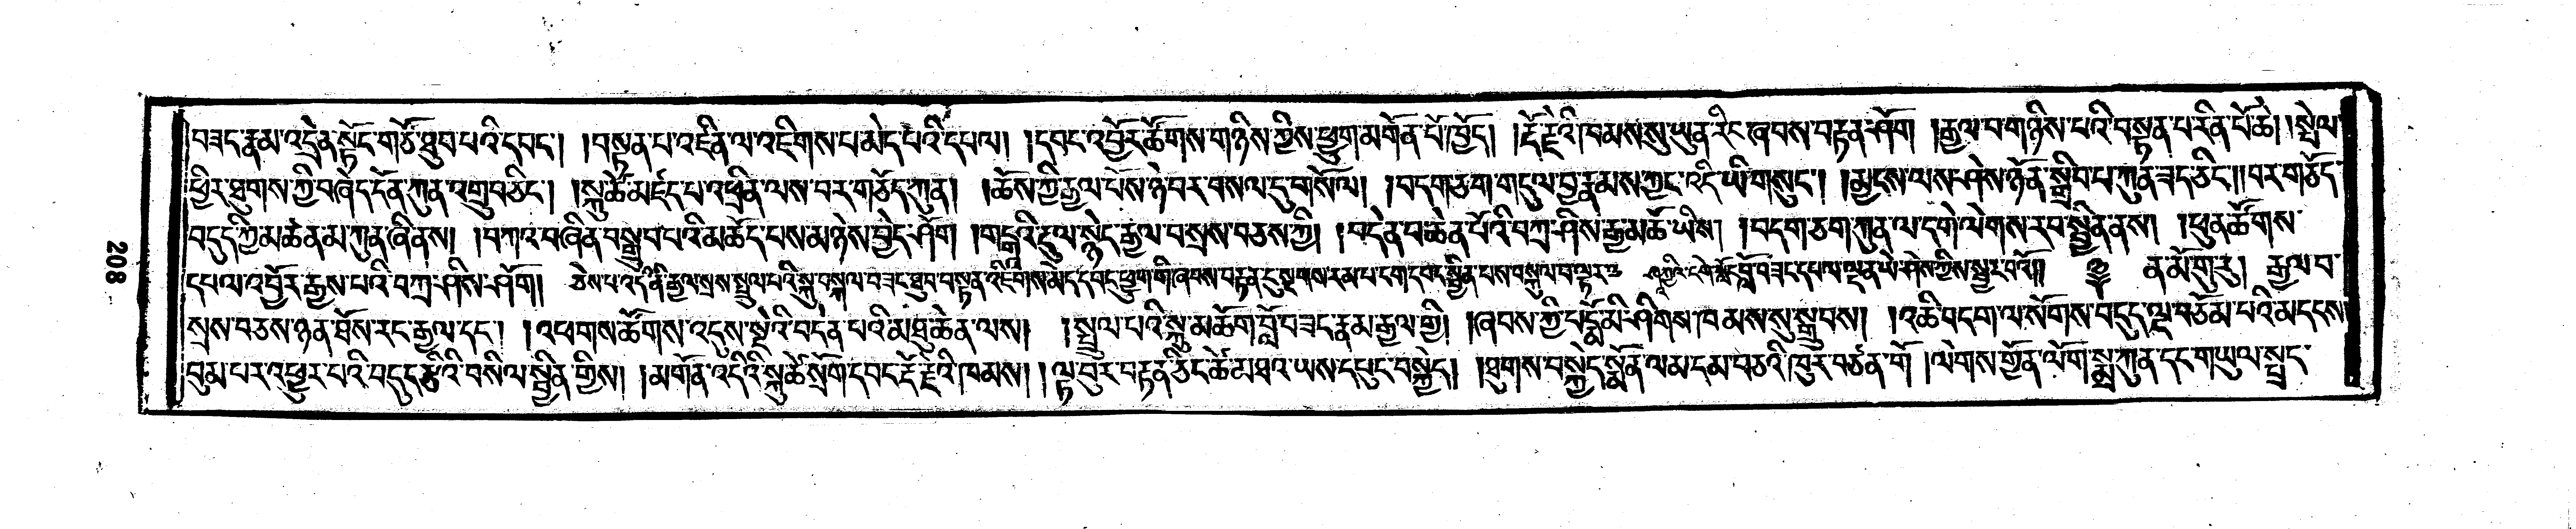བཟང་རྣམ་འདྲེན་སྟོང་གཙོ་ཐུབ་པའི་དཔང་། །བསྟན་པ་འཛིན་ལ་འཇིགས་པ་མེད་པའི་དཔལ། །དབང་འབྱོར་ཚོགས་གཉིས་ཀྱིས་ཕྱུག་མགོན་པོ་ཁྱོད། །རྡོ་རྗེའི་ཁམས་སུ་ཡུན་རིང་ཞབས་བརྟན་ཤོག །རྒྱལ་བ་གཉིས་པའི་བསྟན་པ་རིན་པོ་ཆེ། །སྤེལ་
ཕྱིར་ཐུགས་ཀྱི་བཞེད་དོན་ཀུན་འགྲུབ་ཅིང་། །སྐུ་ཚེ་མཛད་པ་འཕྲིན་ལས་བར་གཅོད་ཀུན། །ཆོས་ཀྱི་རྒྱལ་པོས་ཉེ་བར་བསལ་དུ་གསོལ། །བདག་ཅག་གདུལ་བྱ་རྣམས་ཀྱང་འདི་ཡི་གསུང་། །མྱངས་ལས་ཤེས་ཉོན་སྒྲིབ་པ་ཀུན་ཟད་ཅིང་། །བར་གཅོད་
བདུད་ཀྱི་མཆན་མ་ཀུན་ཞི་ནས། །བཀའ་བཞིན་བསྒྲུབ་པའི་མཆོད་པས་མཉེས་བྱེད་ཤོག །གངྒཱའི་རྡུལ་སྙེད་རྒྱལ་བ་སྲས་བཅས་ཀྱི། །བདེན་པ་ཆེན་པོའི་བཀྲ་ཤིས་རྒྱ་མཚོ་ཡིས། །བདག་ཅག་ཀུན་ལ་དགེ་ལེགས་རབ་སྦྱིན་ནས། །ཕུན་ཚོགས་
དཔལ་འབྱོར་རྒྱས་པའི་བཀྲ་ཤིས་ཤོག། ཅེས་པ་འདི་ནི་རྒྱལ་སྲས་སྤྲུལ་པའི་སྐུ་བསྐལ་བཟང་ཐུབ་བསྟན་འཇིགས་མེད་དབང་ཕྱུག་གི་ཞབས་བརྟན་དུ་སྔགས་རམ་པ་ངག་དབང་སྦྱིན་པས་བསྐུལ་བ་ལྟར་༧་ཤཱཀྱའི་དགེ་སློང་བློ་བཟང་དཔལ་ལྡན་ཡེ་ཤེས་ཀྱིས་སྦྱར་བའོ།། ༈ ན་མོ་གུ་རུ། རྒྱལ་བ་
སྲས་བཅས་ཉན་ཐོས་རང་རྒྱལ་དང་། །འཕགས་ཚོགས་འདུས་སྡེའི་བདེན་པའི་མཐུ་ཆེན་ལས། །སྤྲུལ་པའི་སྐུ་མཆོག་བློ་བཟང་རྣམ་རྒྱལ་གྱི། །ཞབས་ཀྱི་པདམོ་མི་ཤིགས་ཁམས་སུ་སྒྲུབས། །འཆི་བདག་ལ་སོགས་བདུད་ལྔ་བཅོམ་པའི་མདངས་
བུམ་པར་འཕྱུར་པའི་བདུད་རྩིའི་བསིལ་སྦྱིན་གྱིས། །མགོན་འདིའི་སྐུ་ཚེ་སྲོག་དབང་རྡོ་རྗེའི་ཁམས། །ལྟ་བུར་བརྟན་ཅིང་ཚེ་མཐའ་ཡས་དཔུང་བསྐྱེད། །ཐུགས་བསྐྱེད་སྨོན་ལམ་དམ་བཅའི་ཁུར་བཙན་གོ །ལེགས་གྱོན་ལོག་སྨྲ་ཀུན་དང་གཡུལ་སྤྲད་